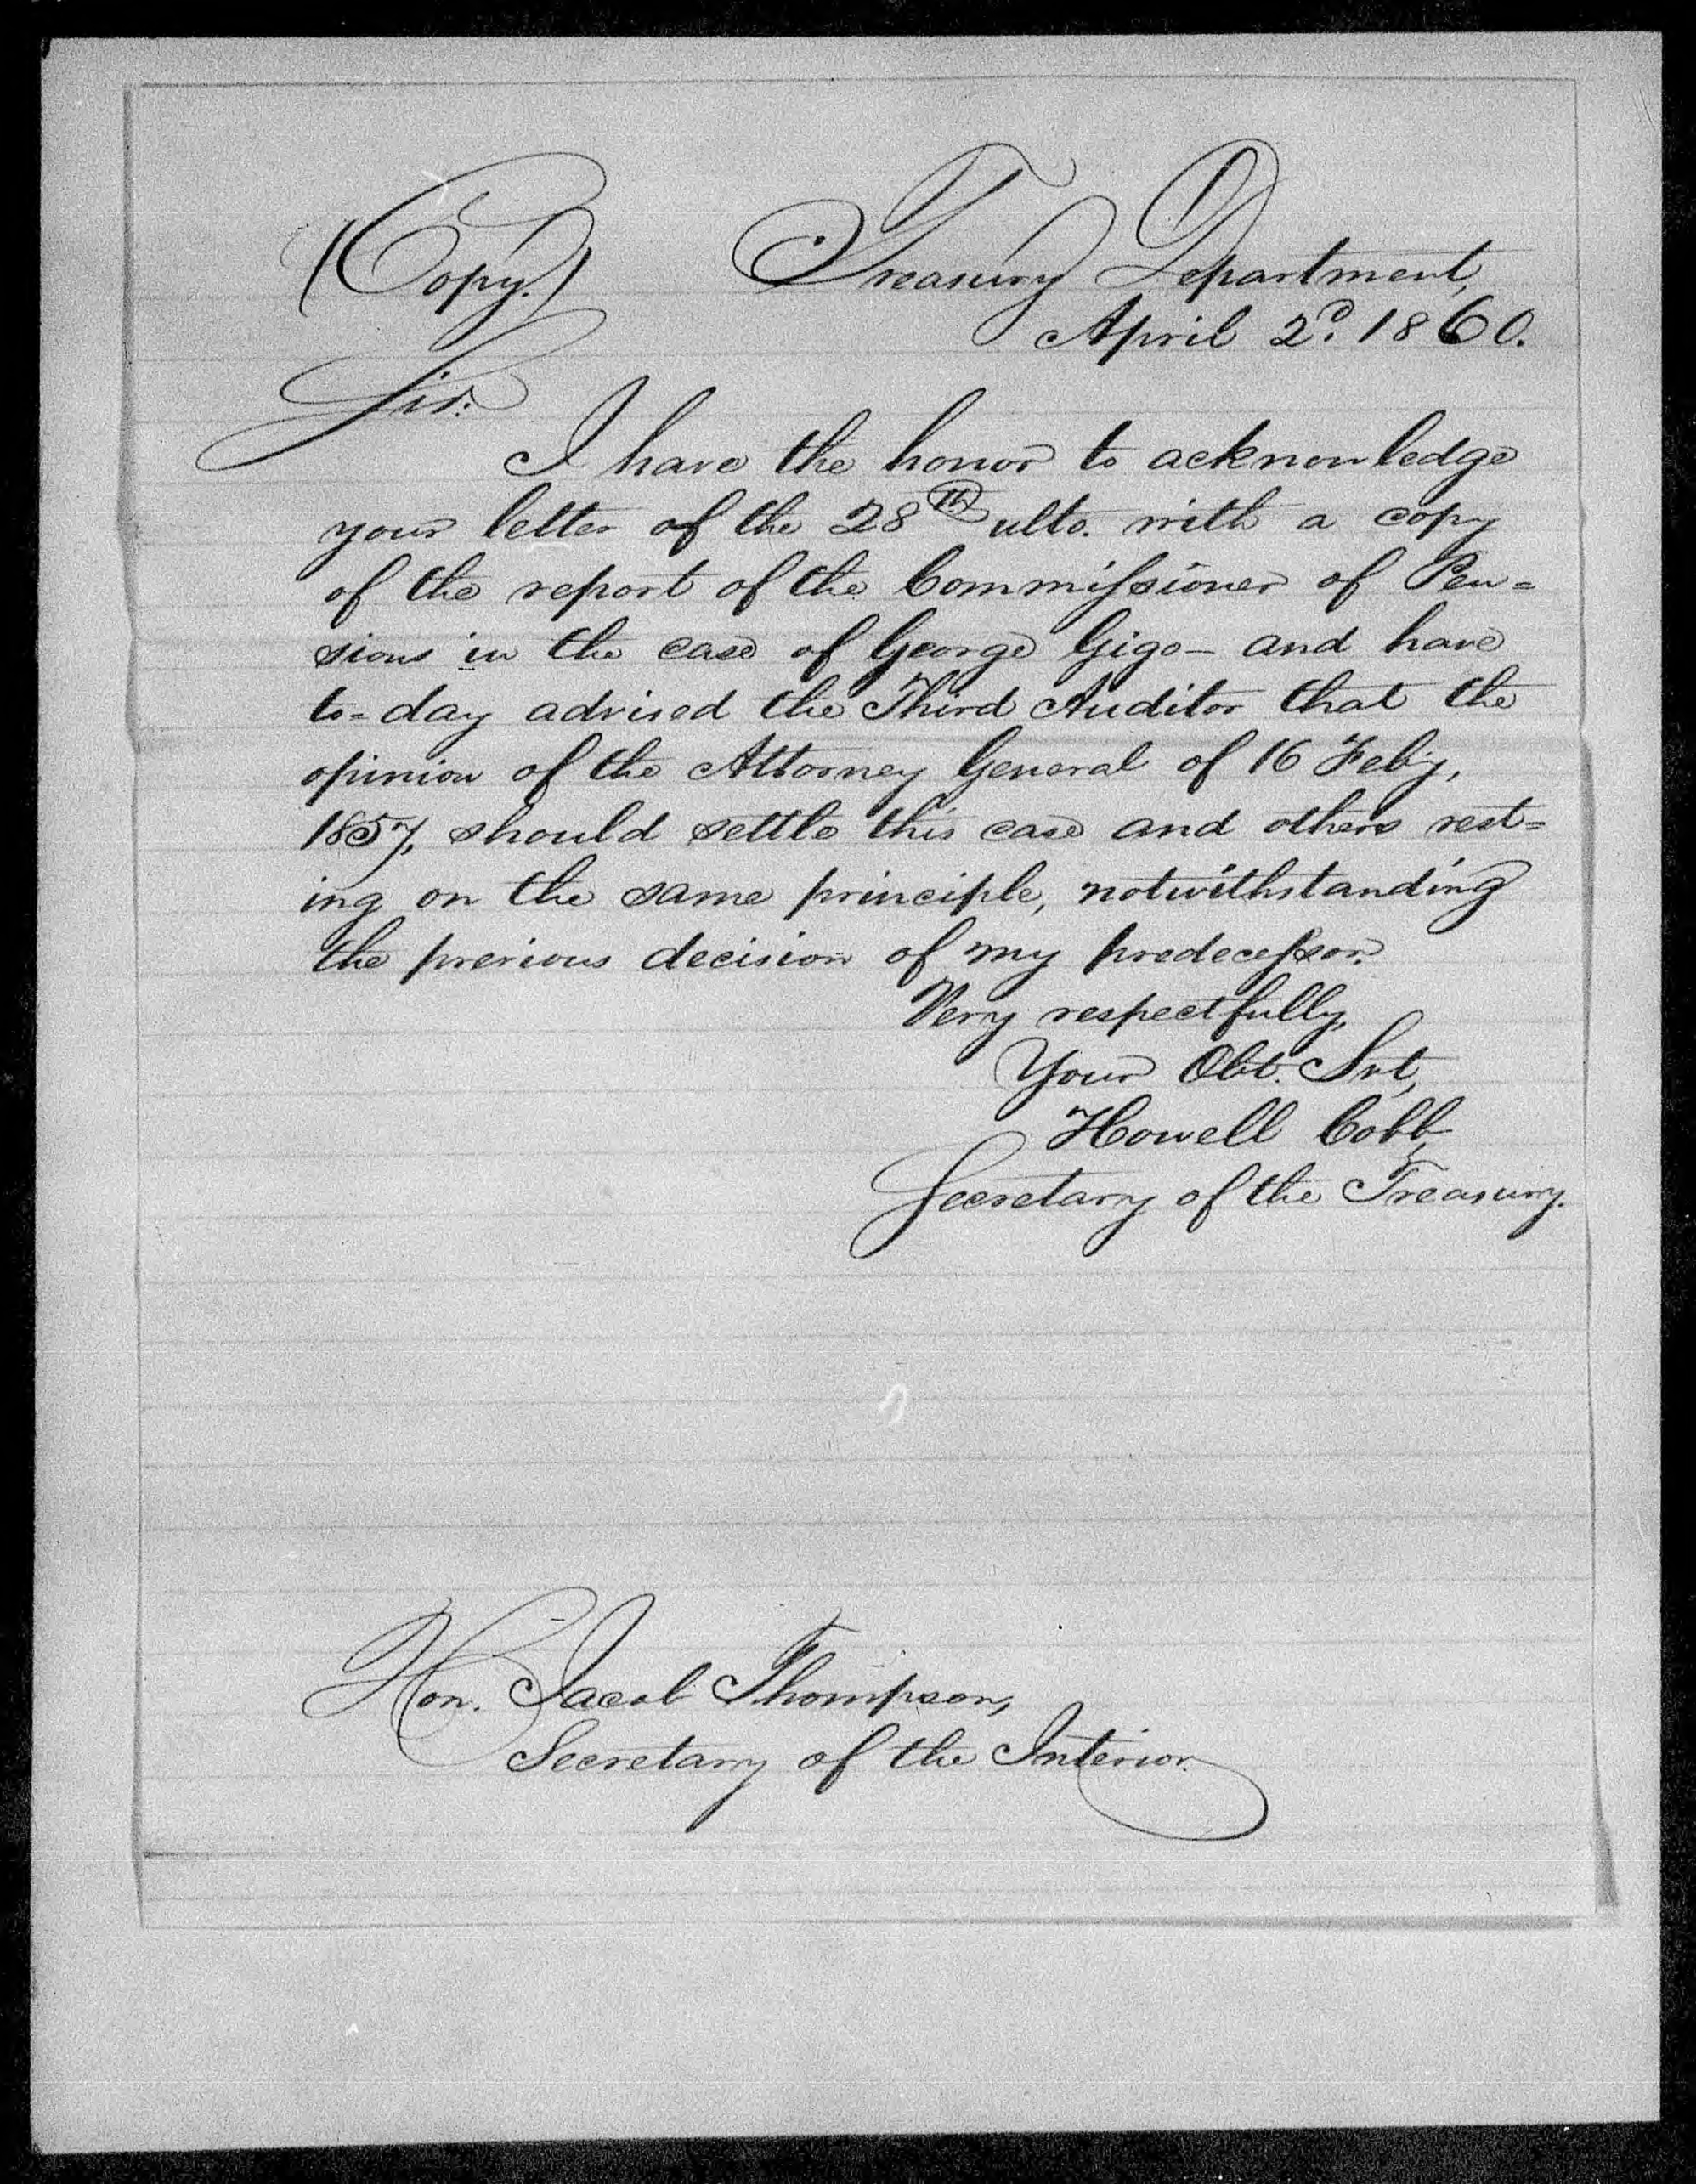(Copy)
Treasury Department
April 2nd 1860

Sir,
I have the honor to acknowledge your letter of the 28th [illegible] with a copy of the report of the Commissioner of Pension in the case of George Gigo, and have today advised the Third Auditor that the opinion of the Attorney General of 16 Feby 1854 should settle this case and others resting on the same principle, notwithstanding the previous decision of my predecessor.
Very respectfully,
Your Obt Svt, 
Howell Cobb
Secretary of the Treasury


Hon Jacob Thompson
Secretary of the Interior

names: George Gigo, Howell Cobb, Jacob Thompson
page: 88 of 98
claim: widow's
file: W. 21182, Francis Gigo, Continental (Canadian)